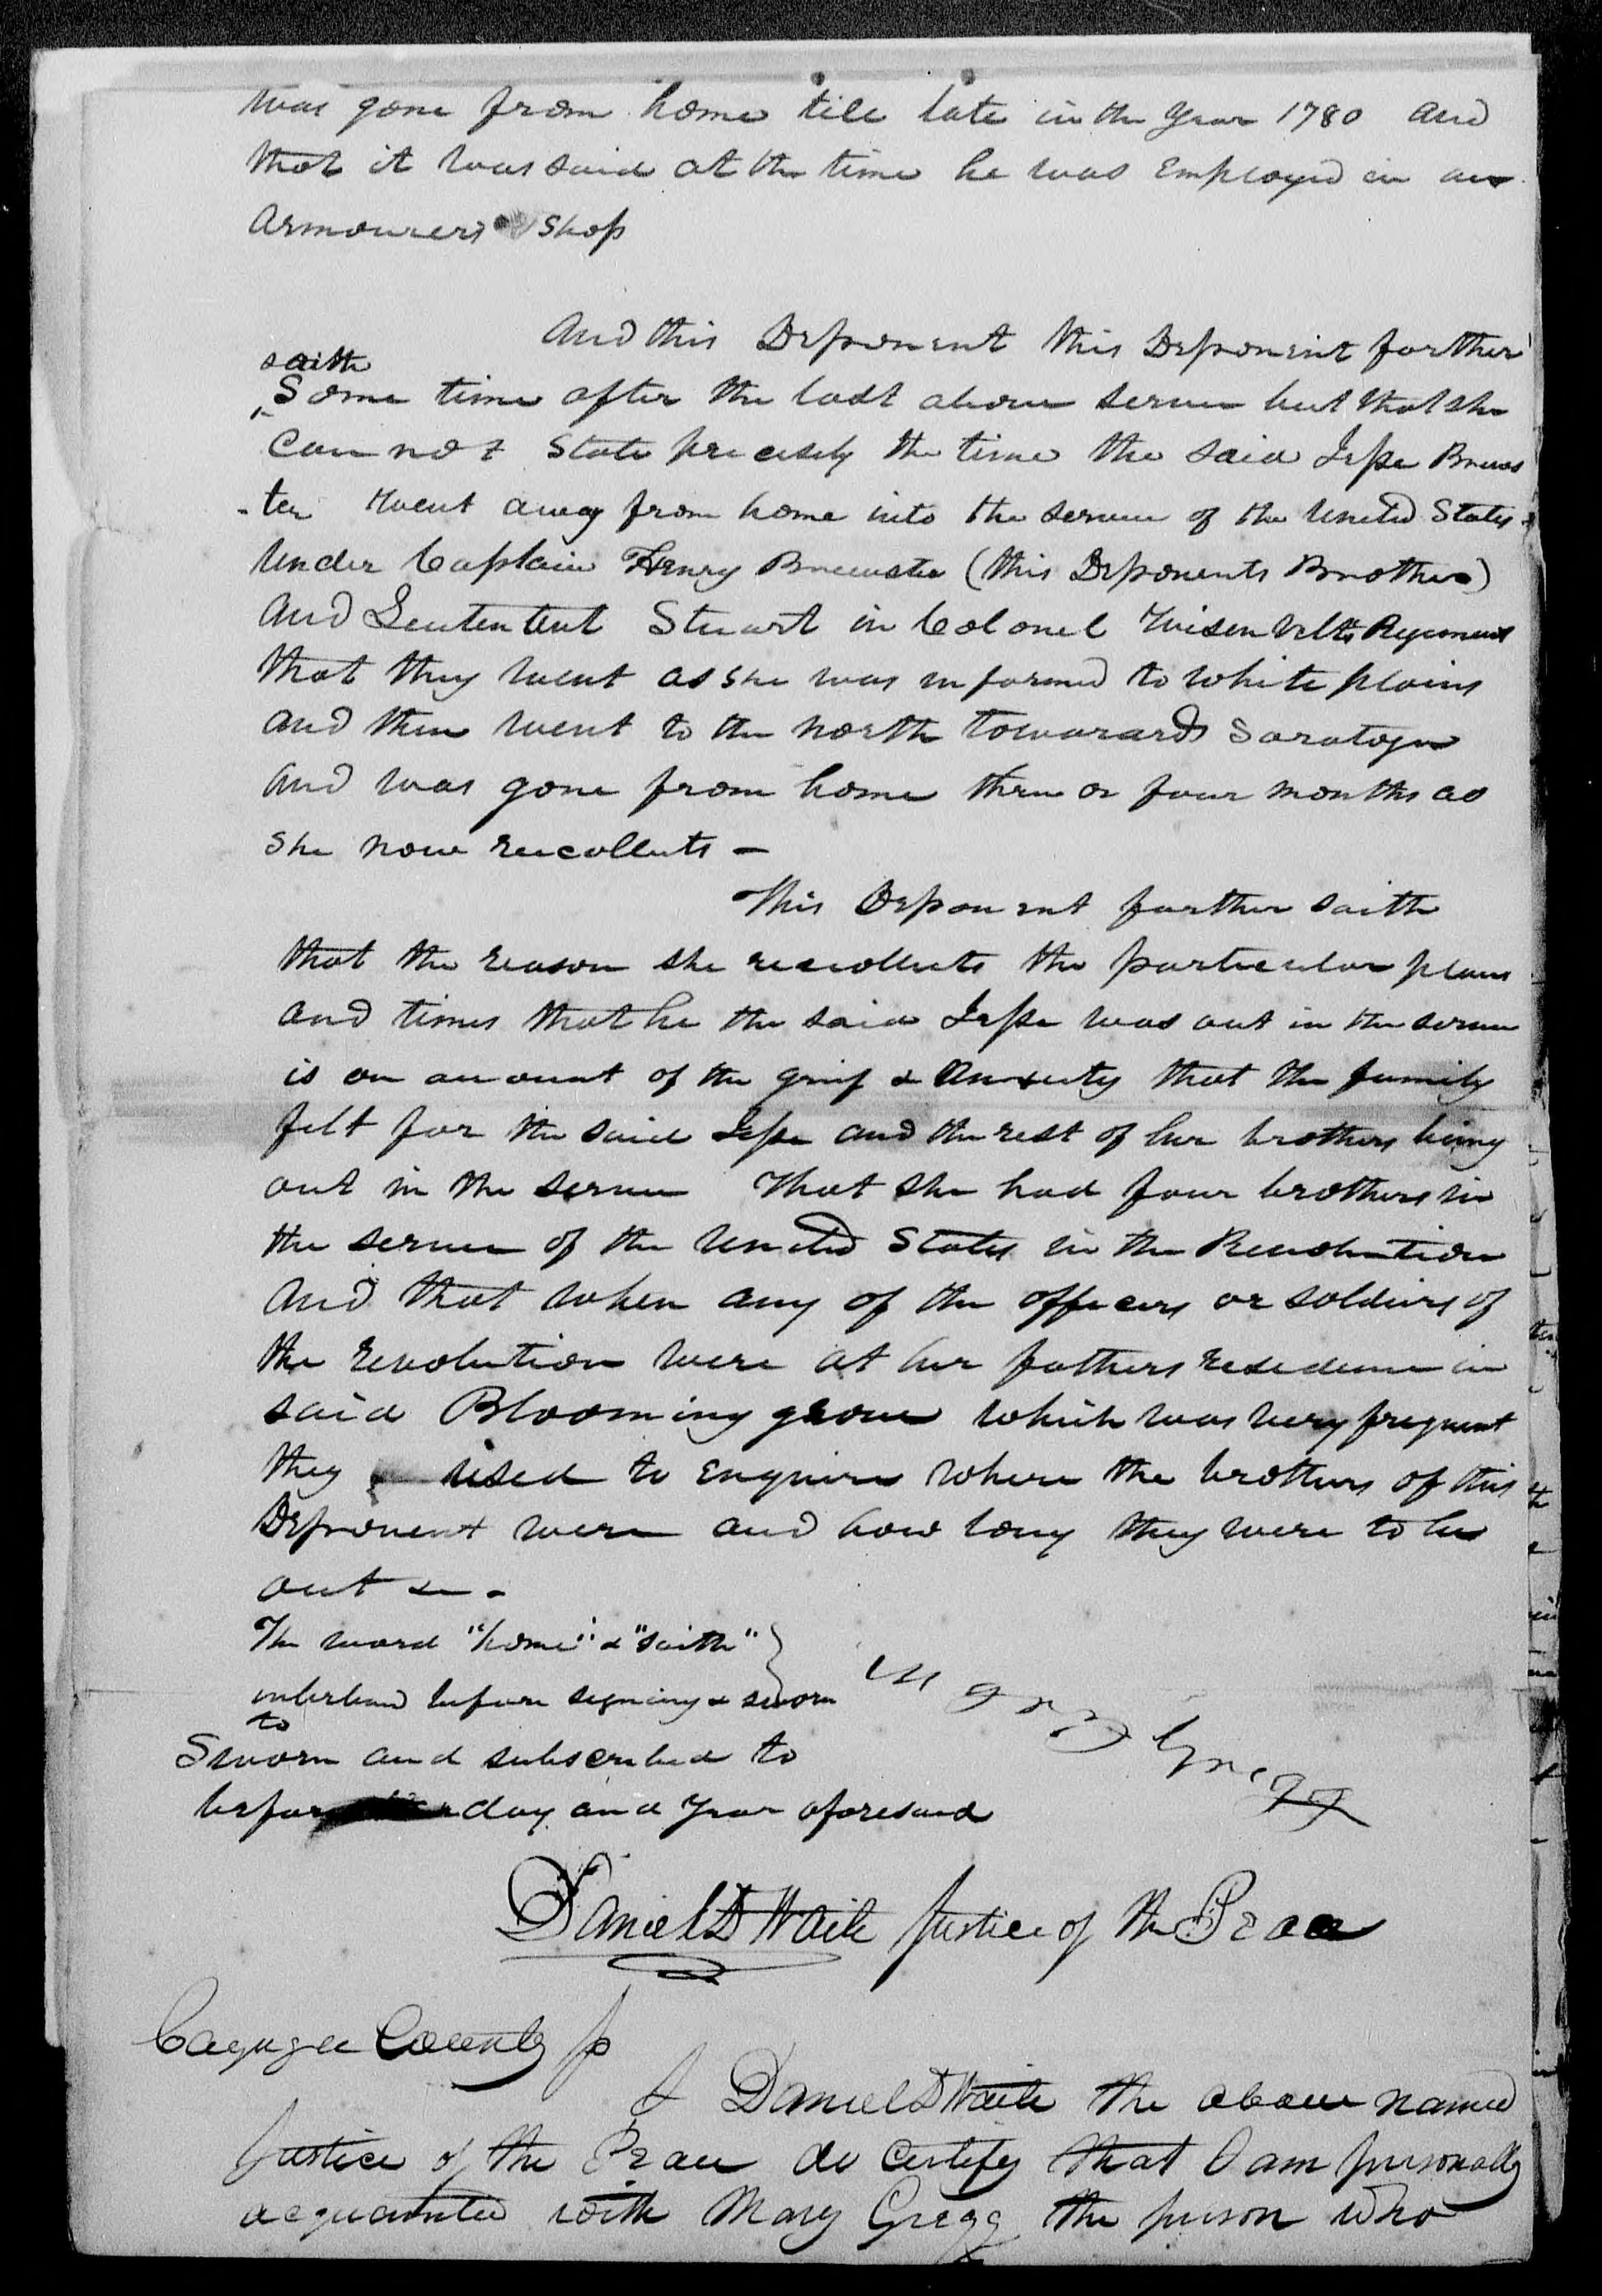was gone from home till late in the year 1780 and that it was said at the time he was employed in an Armorers shop
    And this deponent this deponent further saith some time after the last above service but that she cannot state precisely the time the said Jesse Brewster went away from home into the service of the United States under Captain Henry Brewster (this deponents brother) and Lieutenent Stewart in Colonel Wisenvelt's Regiment that they went as she was informed to White Plains and then went to went to the north towards Saratoga and was gone from home three or four months as she now recollects.
     This deponent further saith that the reason she recollects the particular place and times that he the said Jesse was out in the service is on account of the grief + anxiety that the family felt for the said Jesse and the rest of her brothers being out in the service of the United States in the Revolution and that when  any of the officers or soldiers of the revolution were at her fathers residence in said Blooming Grove which was very frequent the used to enquire where the brothers of this deponent were and how long they were to be out in.
The word "home" + "saith" [illegible] before signing + sworn to sworn and subscribed to before day and year aforesaid
Daniel D Waite Justice of the Peace
Cayuga county   I Daniel D Waite the above named Justice of the Peace do certify that I am personally acquainted with Mary Gregg the person who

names: Daniel D Waite, Henry Brewster, Mary Gregg, Jesse, Jesse Brewster, Jesse, Daniel D Waite, Mary Gregg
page: 5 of 26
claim: survivor's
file: S. 12,291, Jesse Brewster, New York